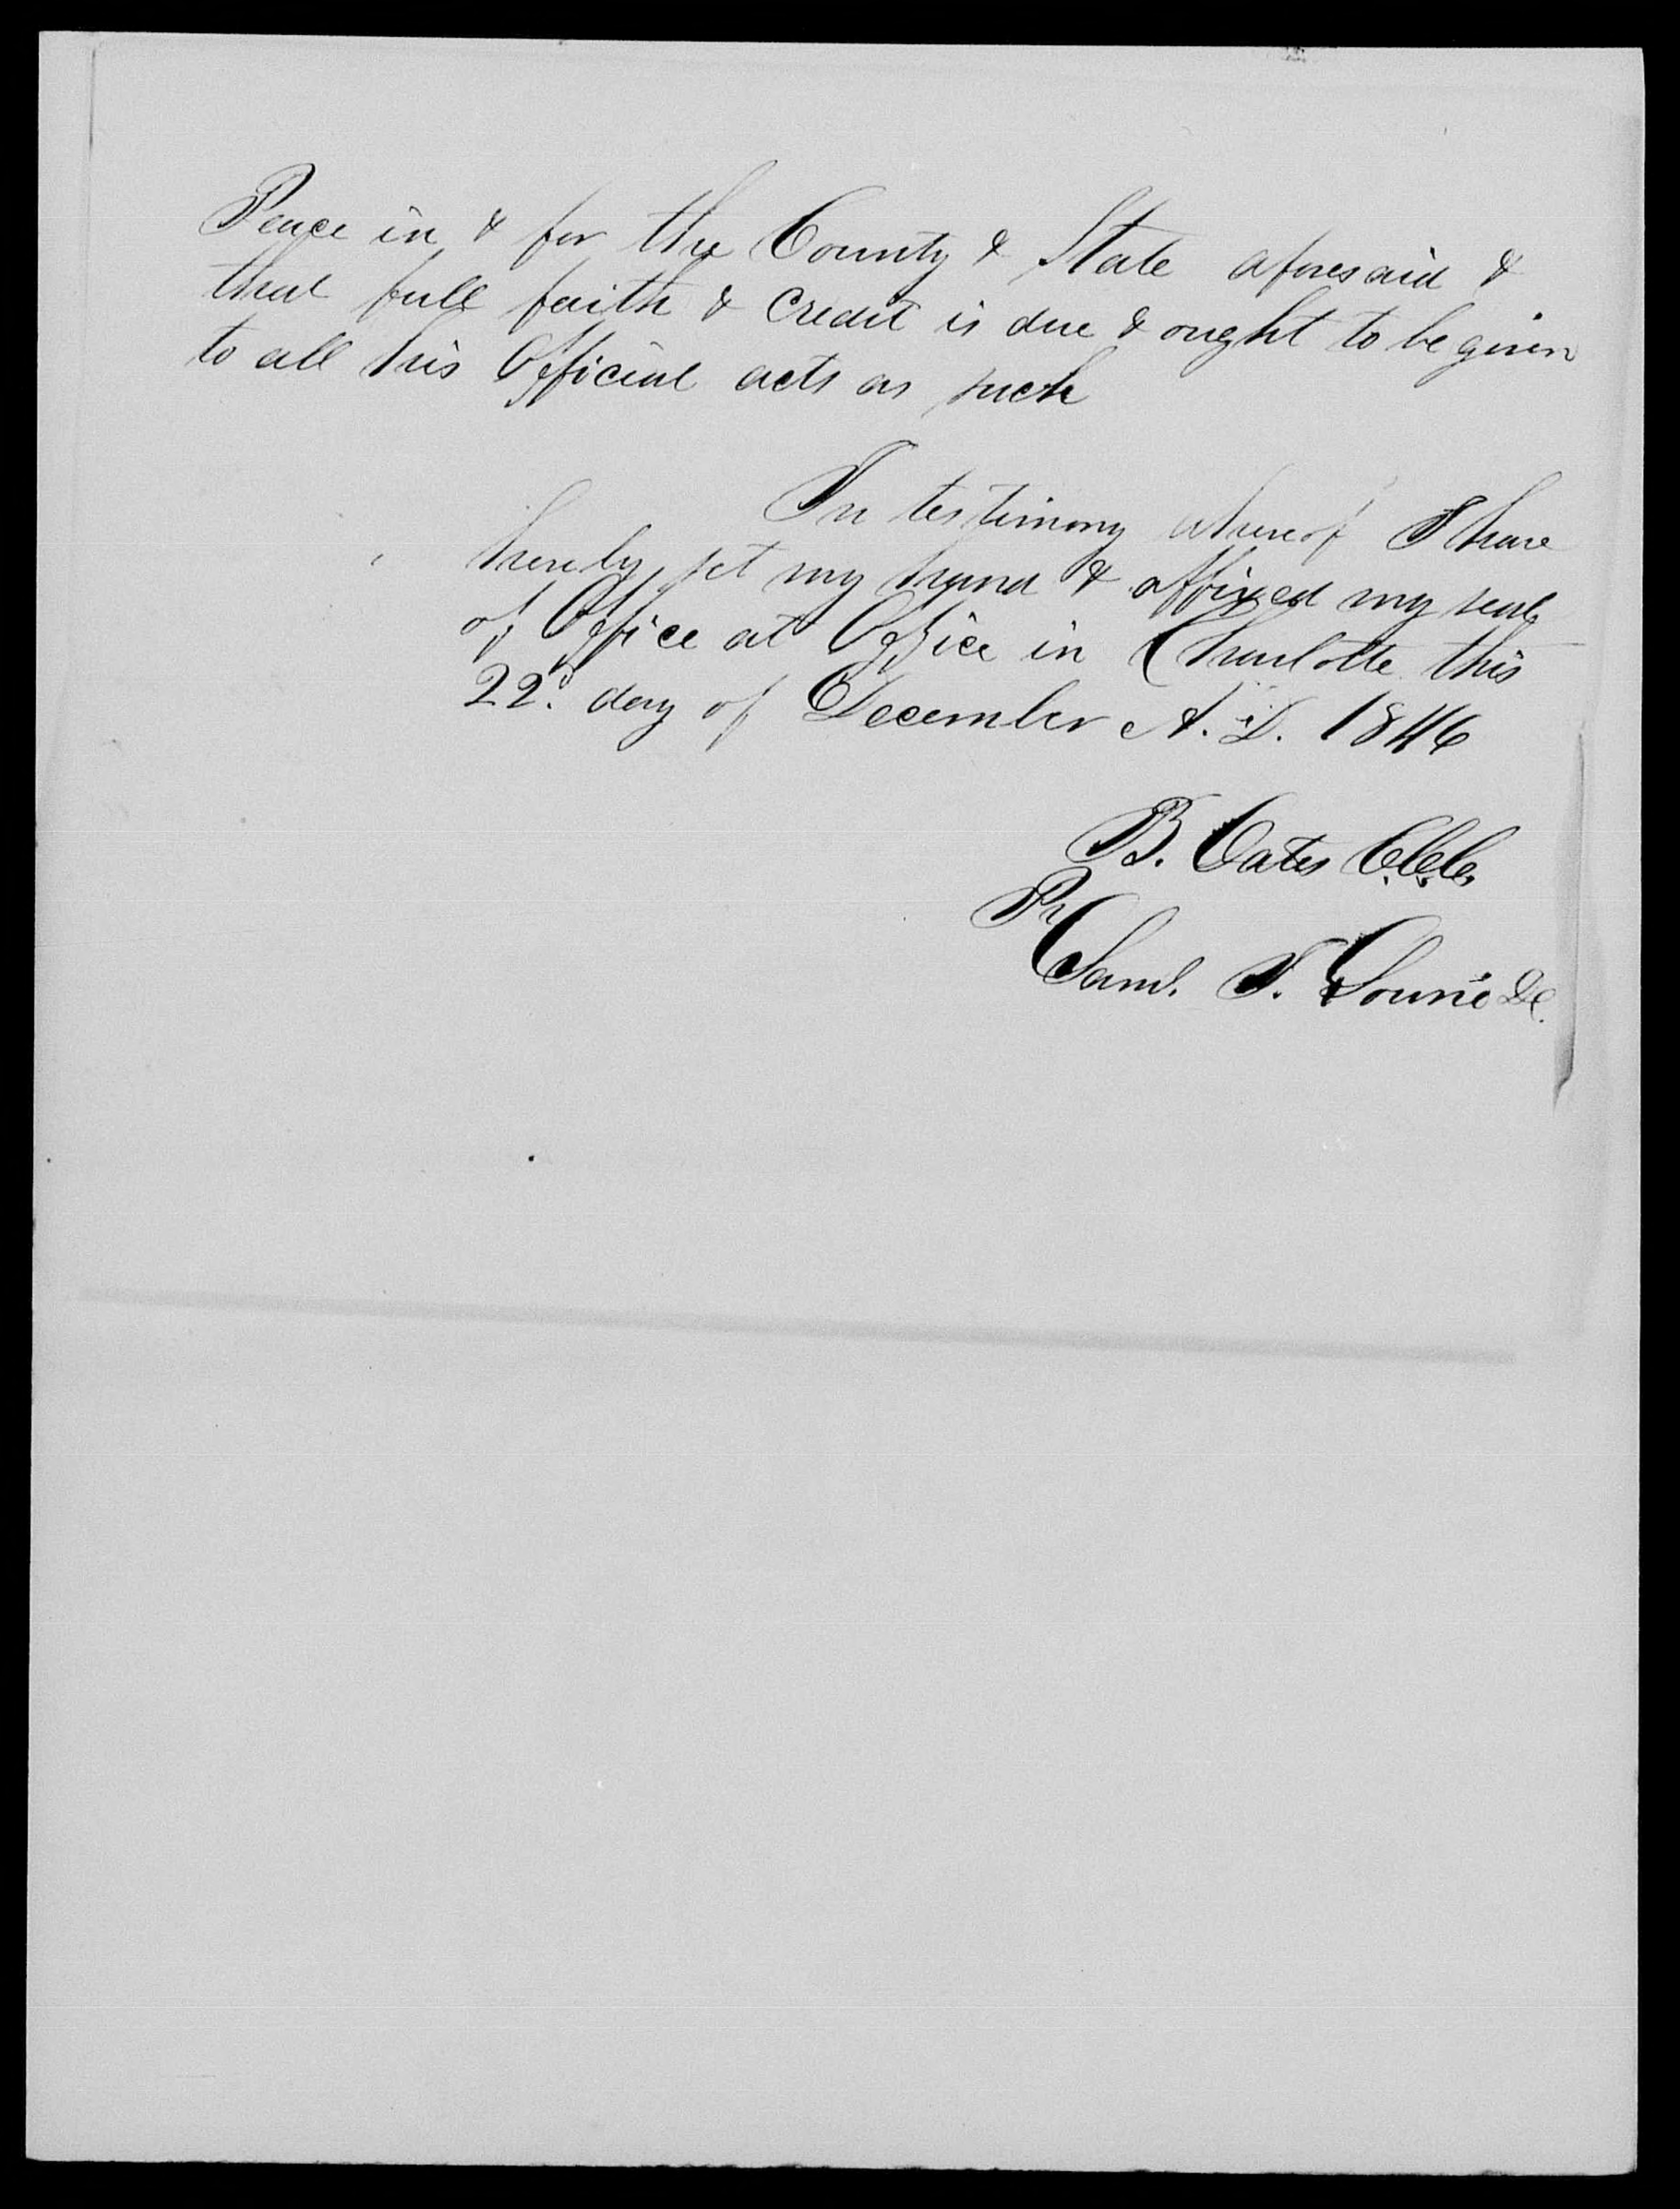Peace in & for the County & State aforesaid & that full faith & credit is due & ought to be given to all this Official acts as such.
In testimony whereof I have hereby set my :illegible: & affixed my seal of Office at Office in Charlotte this 22nd day of December A.D. 1846
B. Oates Clerk
Pr Clam. S. Qouni DC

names: Saml J Sowrie, B Oates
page: 20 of 52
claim: rejected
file: R. 3,512, John Ferrell, N.C.